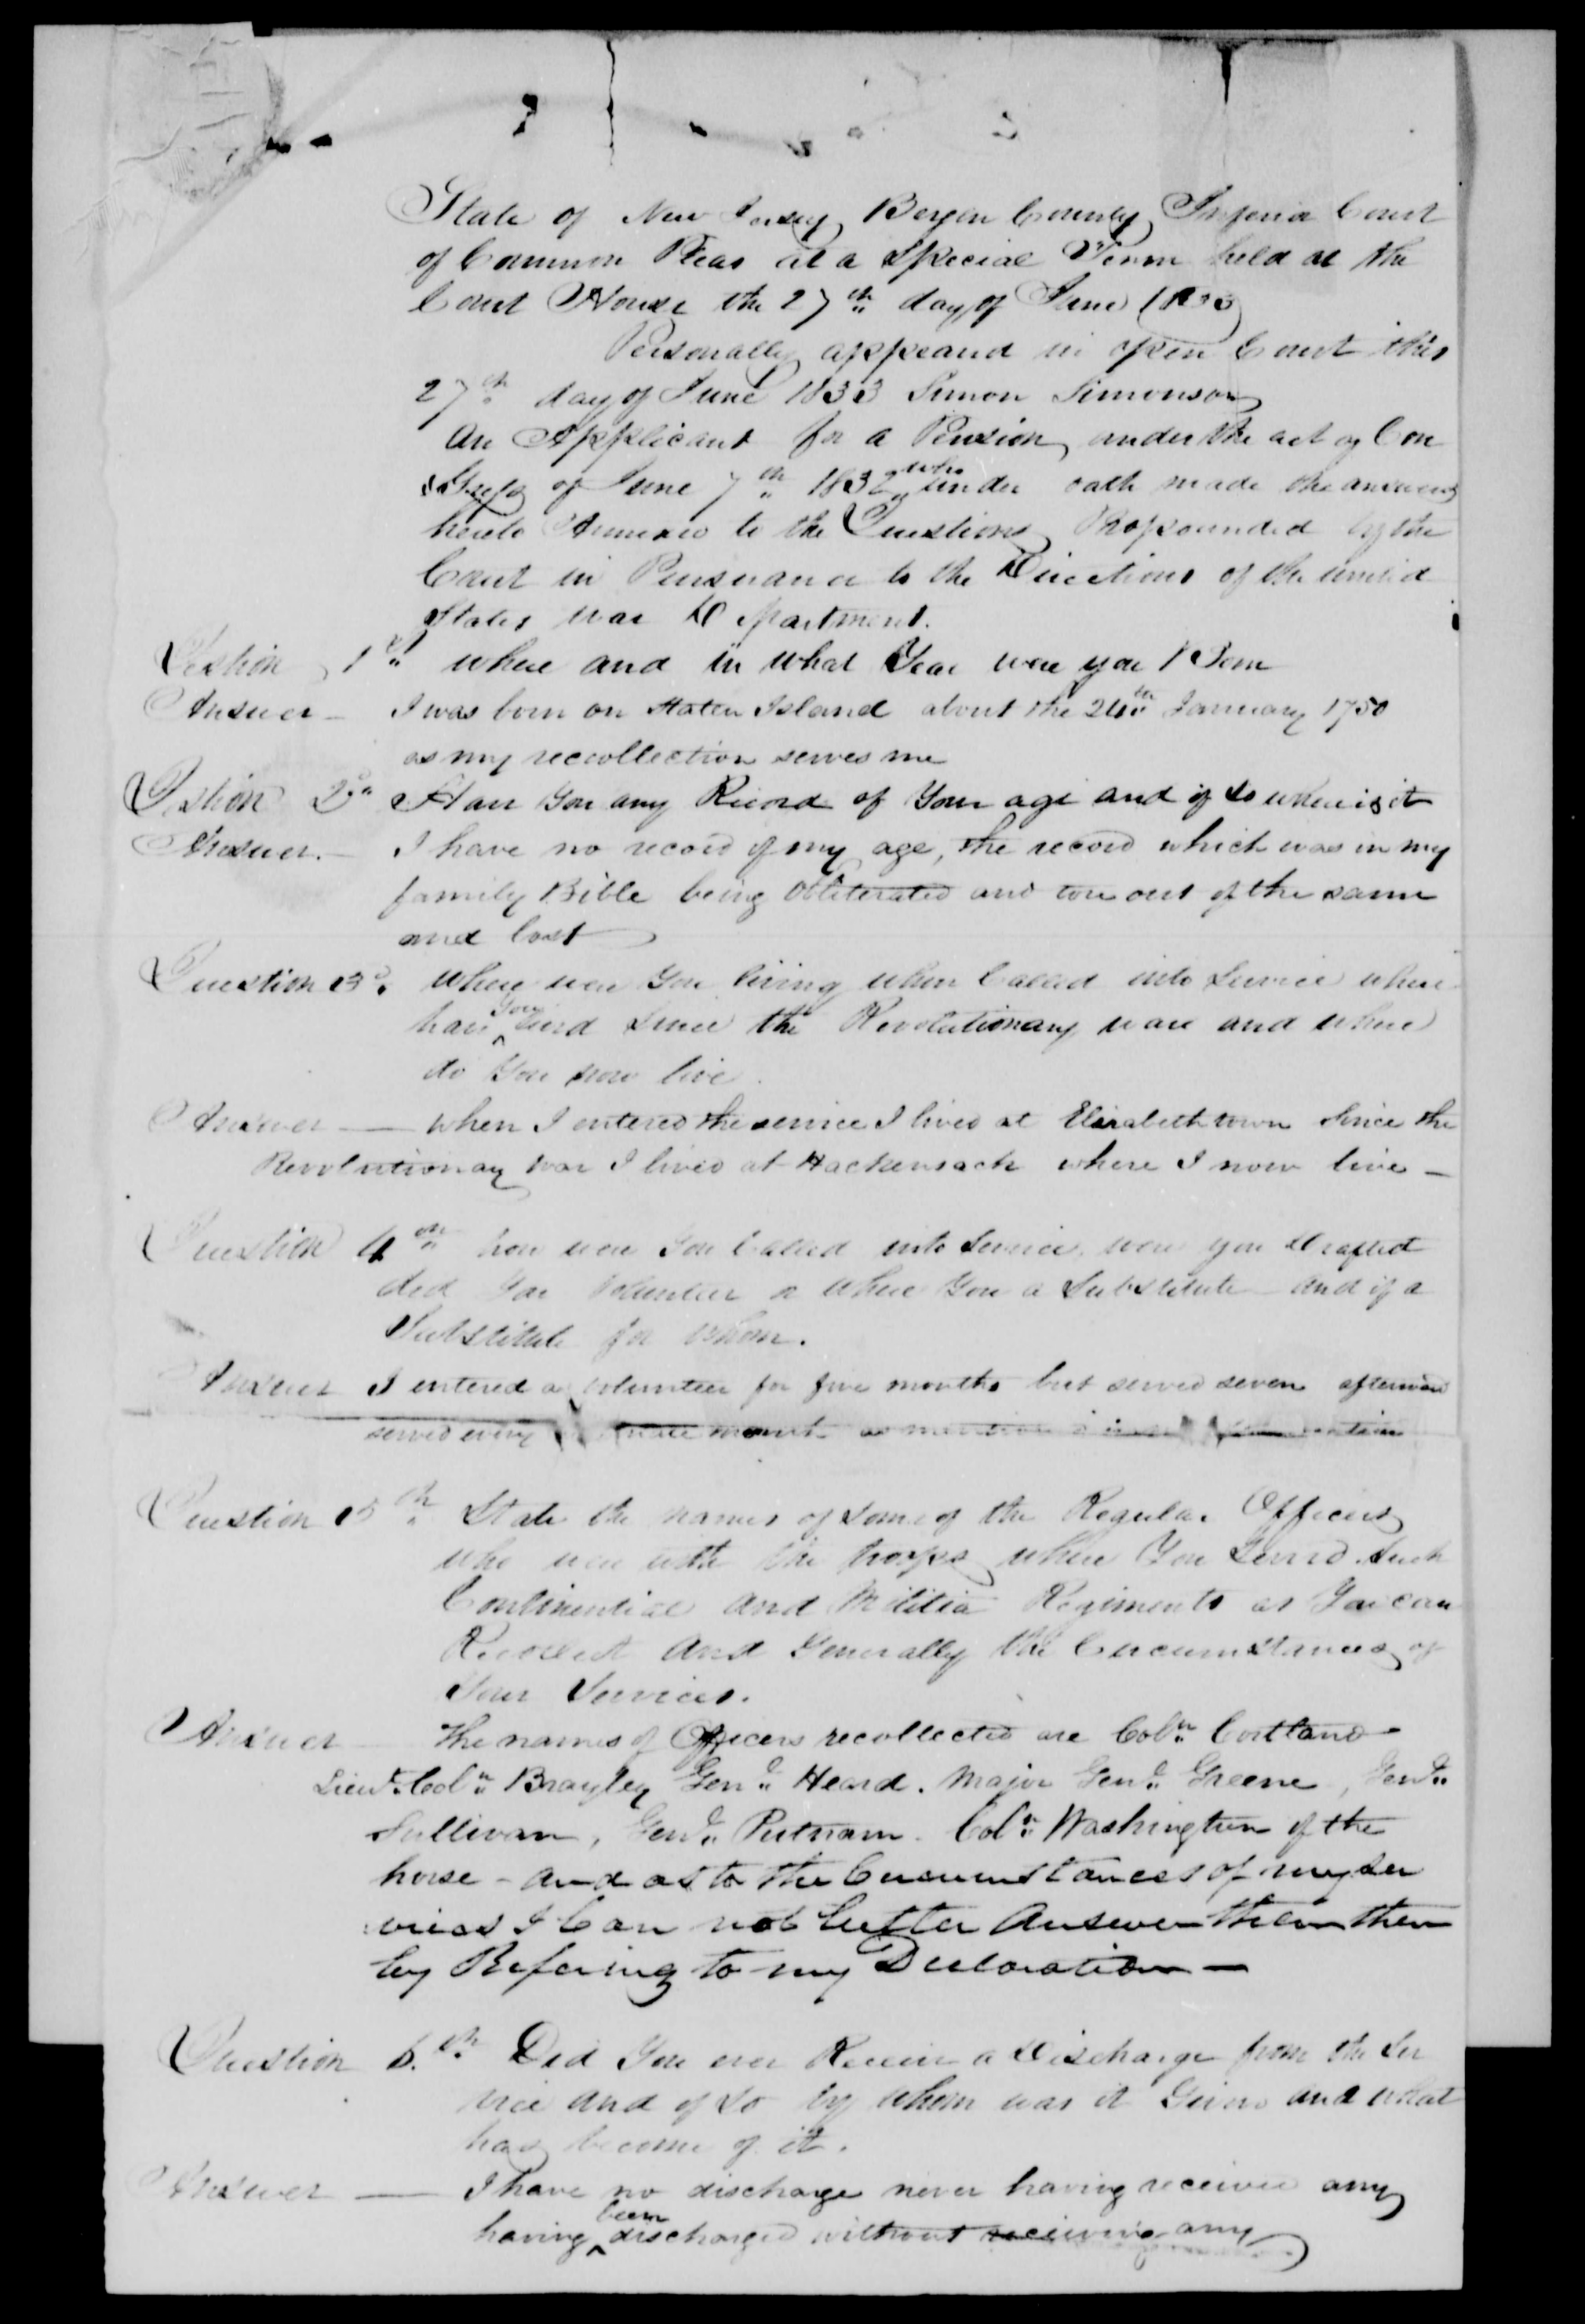State of New Jersey Bergen County Inferior Court of Common Pleas at a Special Term held at the Court House the 27th day of June 1833
Personally appeared in open Court this 27th day of June 1833 Simon Simonson an Applicant for a Pension under the act of Congress of June 7th 1832 who under oath made the answers hereto Annexed to the Questions Propounded by the Court in Pursuance to the Directions of the United States War Department.
Question 1st:  Where and in what Year were you Born
Answer - I was born on Staten Island about the 26th January 1750 as my recollection serves me
Question 2d:  Have You any Record of Your age and if so where is it
Answer - I have no record of my age, the record which was in my family Bible being obliterated and torn out of the same and lost
Question 3d:  Where were You living when Called into Service where have you lived Since the Revolutionary war and where do you now live
Answer - When I entered the service I lived at Elizabethtown  Since the Revolutionary war I lived at Hackensack where I now live.
Question 4th:  how were You Called into Service, were you drafted did you Volunteer or where You a Substitute and if a Substitute for whom
Answer  I entered a volunteer for five months but served seven  afterward served every [illegible] month as [rest of answer illegible]
Question 5th:  State the names of some of the Regular Officers who were with the Troops where You Served Such Continental and Militia Regiments as You can Recollect and Generally the Circumstances of Your Services
Answer  The names of Officers recollected are Coln. Cortland Lieut. Coln. Brayley Genl. Heard Major Genl. Greene Genl. Sullivan, Genl. Putnam, Coln. Washington of the horse - and as to the Circumstances of my services I Can not better answer them thereby Refering to my Declaration.
Question 6th:  Did You ever Receive a Discharge from the Service and if so by whom was it Given and what has become of it.
Answer - I have no discharge never having received any having been discharged without receiving any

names: Simon Simonson; [BLANK] Cortland; [BLANK] Washington; [BLANK] Putnam; [BLANK] Sullivan; [BLANK] Brayley; [BLANK] Heard; [BLANK] Greene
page: 5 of 30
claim: survivor's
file: S. 1104, for Simon Simonson, New Jersey